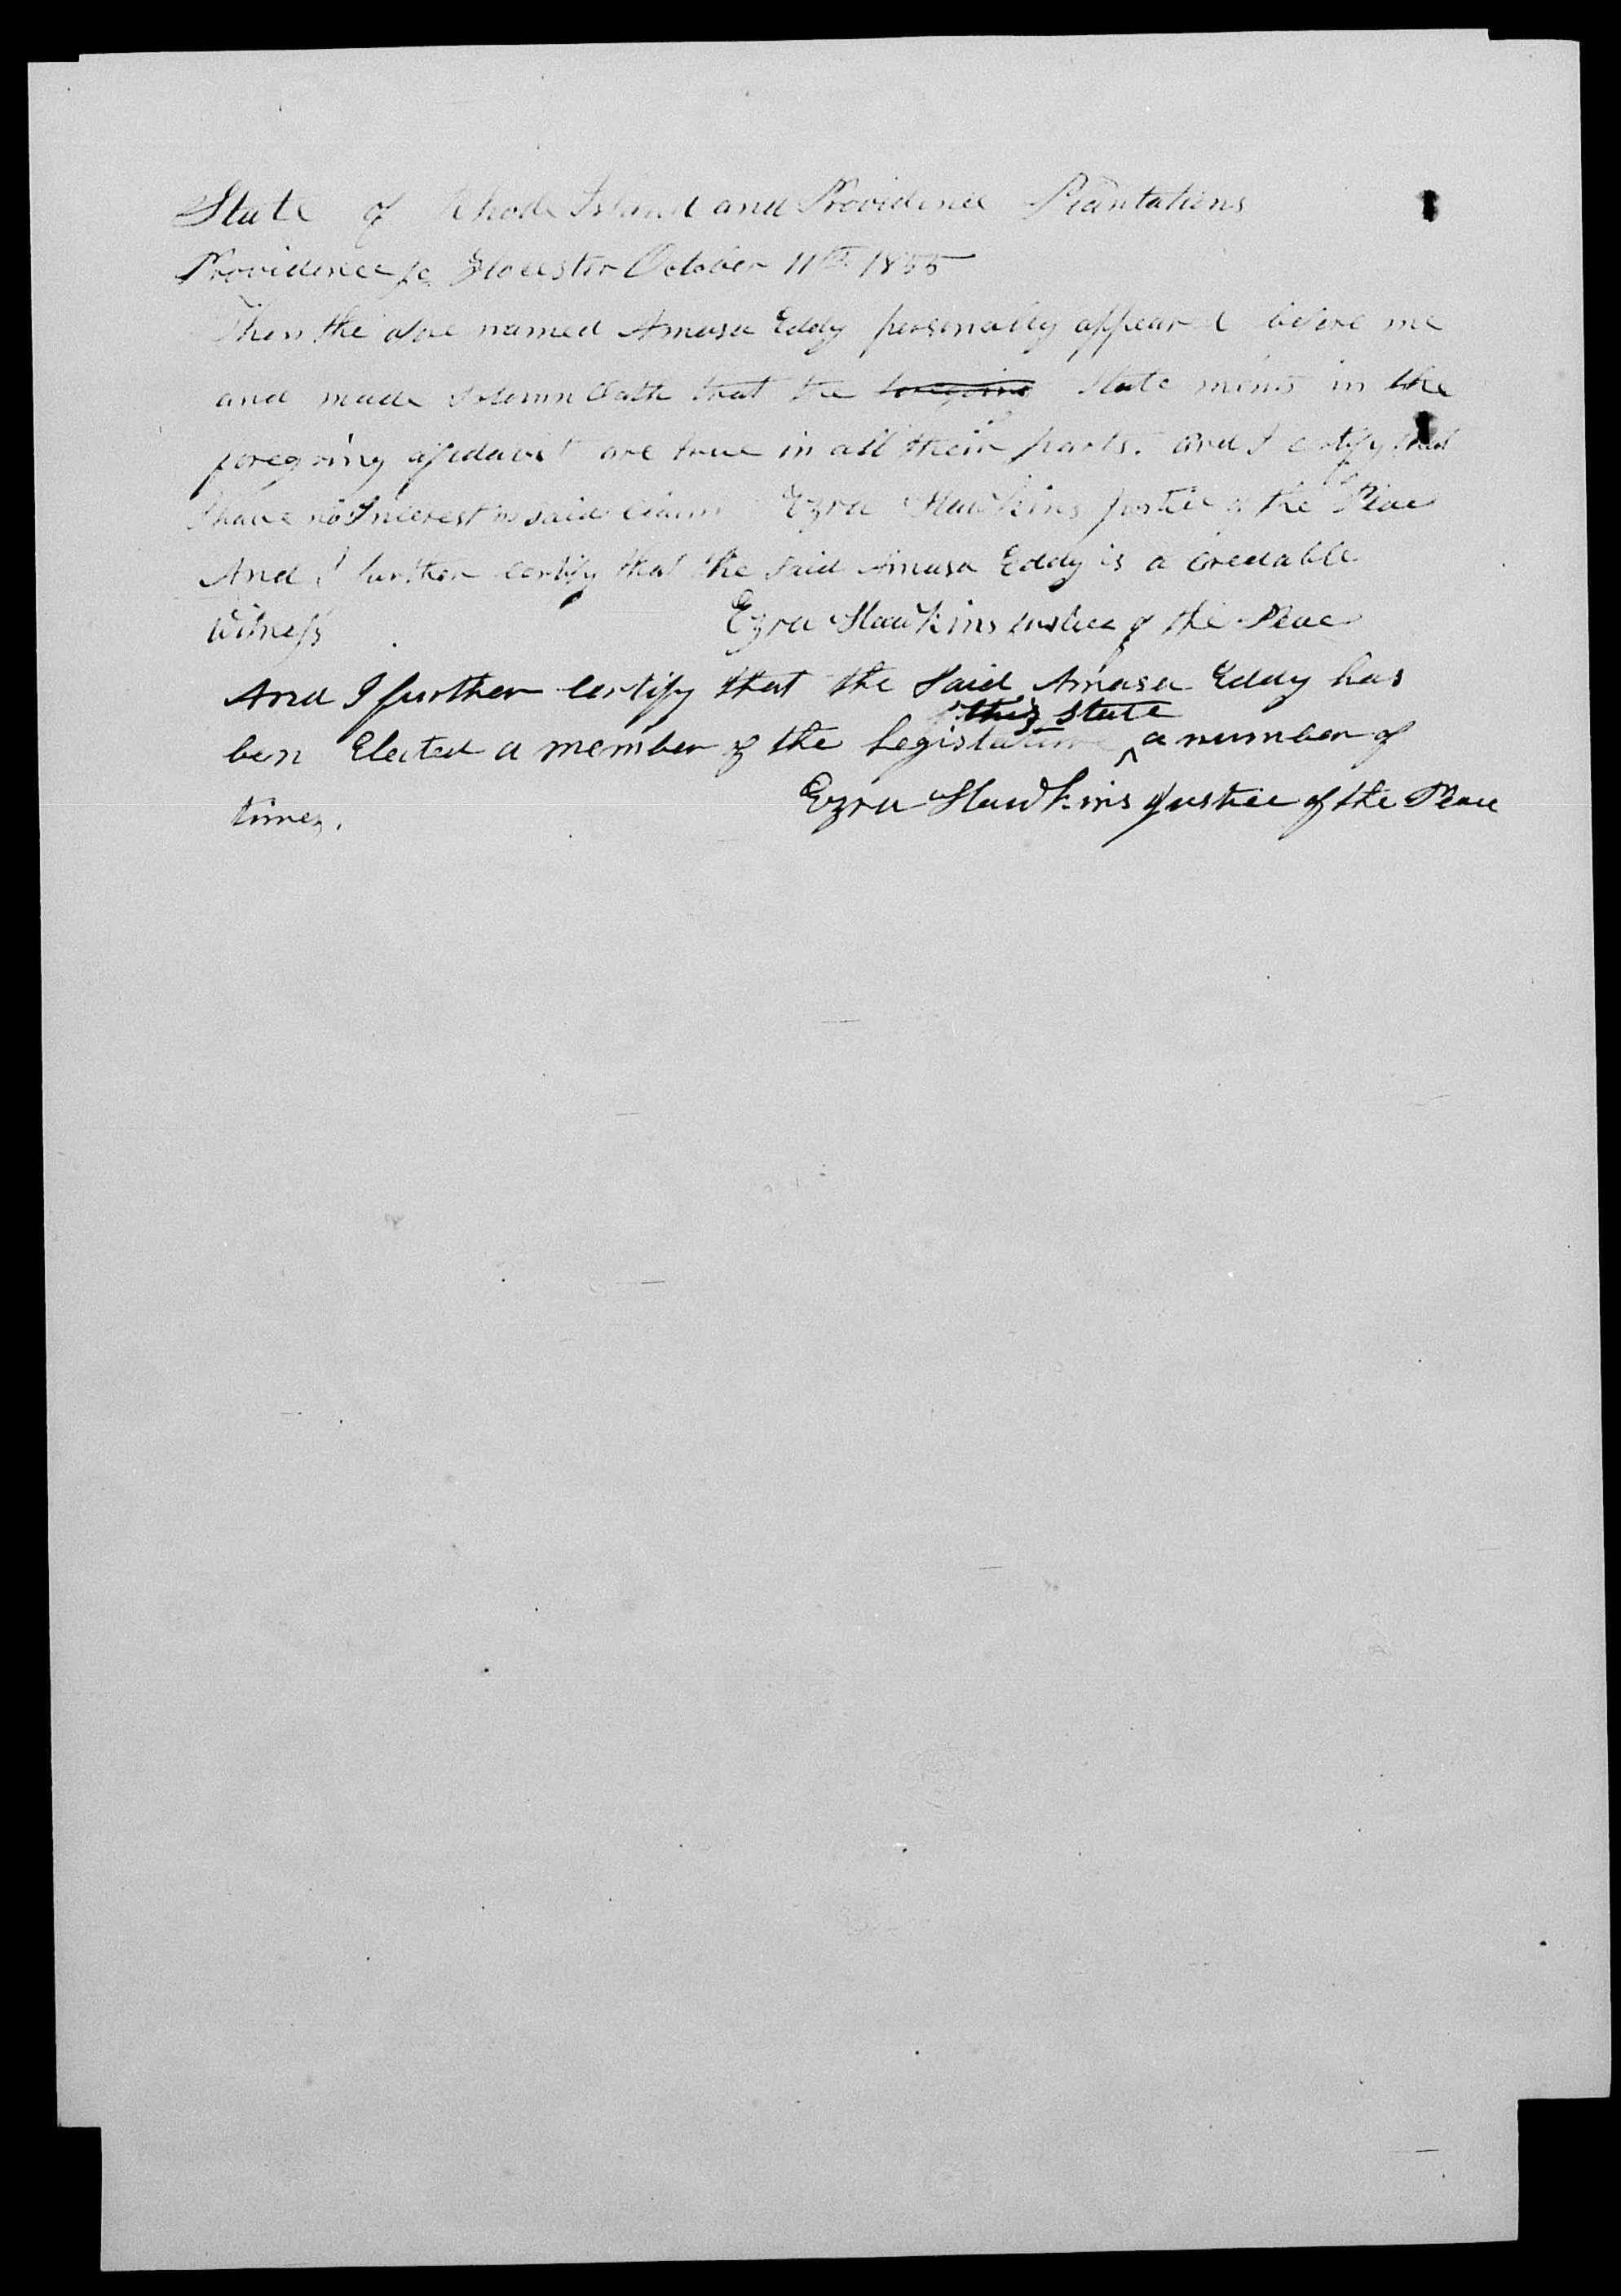Sate of Rhode Island and Providence Plantations Providence Sc. Glocester October 11th 1855
This the above named Amasa Eddy personally appeared before me and made oath that the statements in the foregoing affidavit are true in all ther parts. And I certify that I hafe no interest in said claim. Ezra Hawkins Justice of the Peace And I further certify that the said Amasa Eddy is a credable witness. Ezra Hawkins Justice of the Peace. And I further certify that the said Amasa Eddy has been elected a member of the Legislature of this State a number of times. Ezra Hawkins Justice of the Peace.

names: Ezra Hawkins, Ezra Hawkins, Amasa Eddy, Amasa Eddy, Ezra Hawkins, Amasa Eddy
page: 43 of 76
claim: widow's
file: W. 15,517, William Gadcomb, R.I.